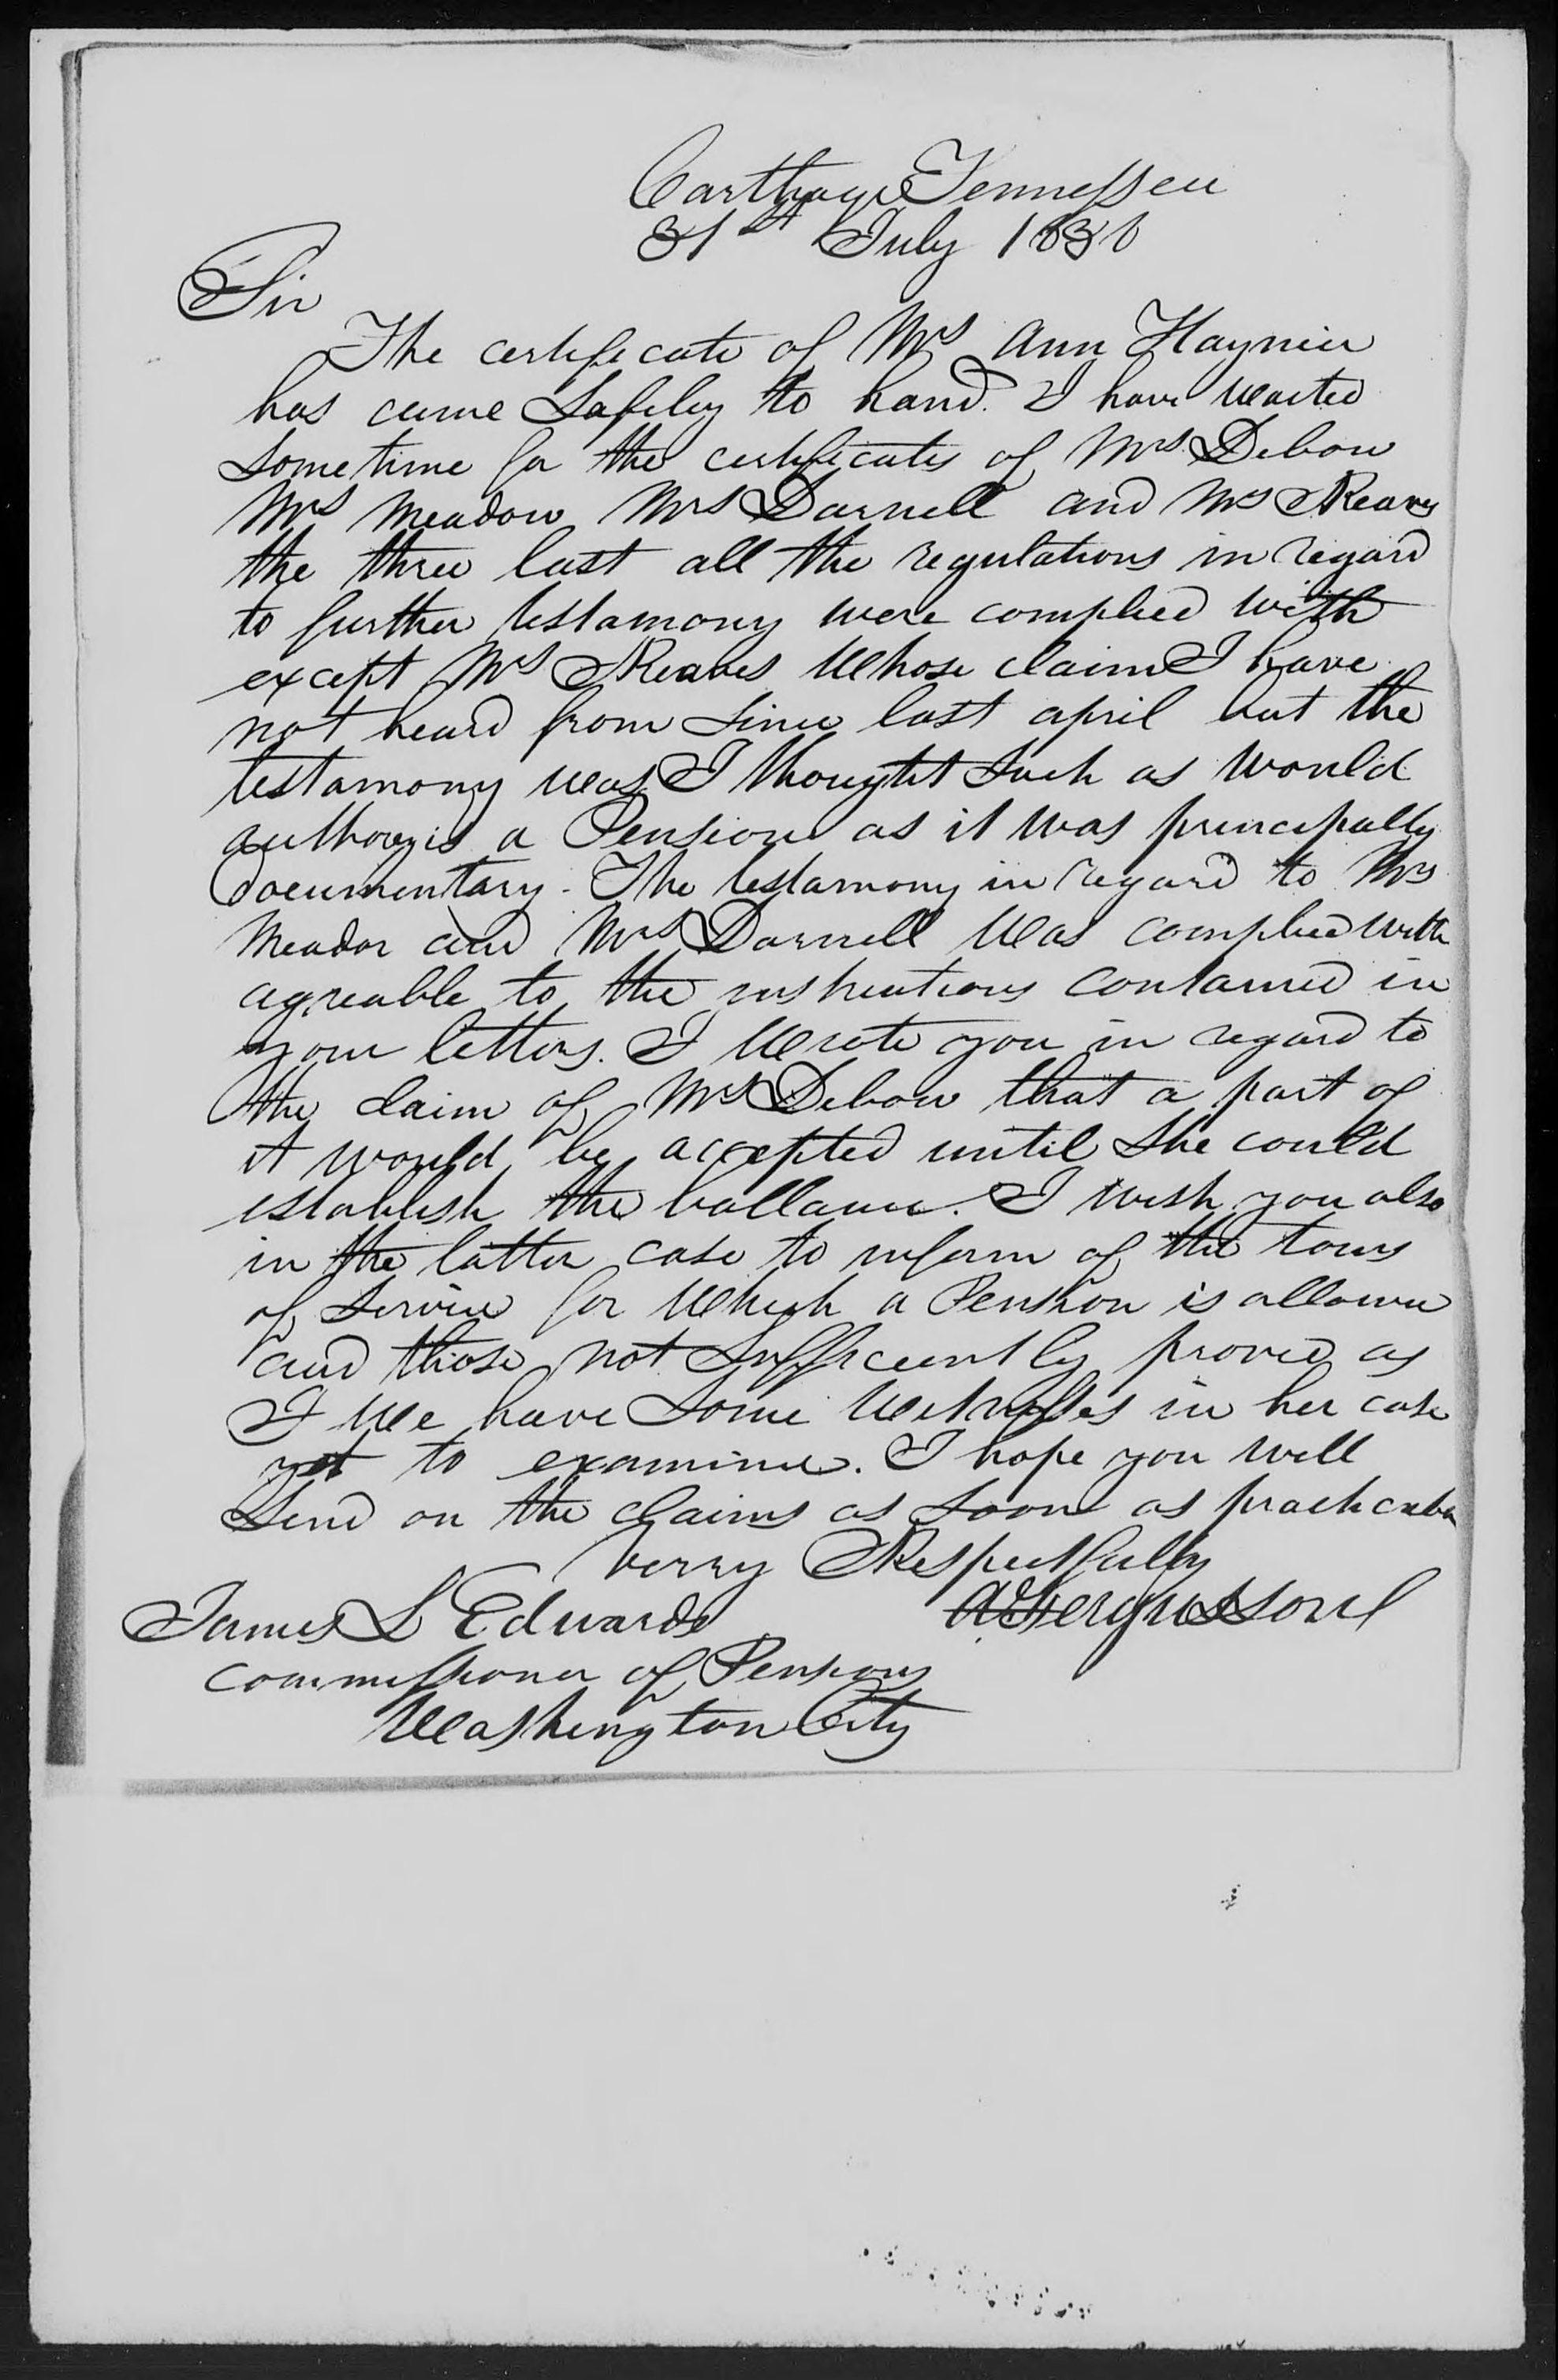Carthage Tennessee
31st July 1831
Sir
The certificate of Mrs Ann Haynier has come safely to hand. I have waited some time for the certificate of Mrs Debow Mrs Meadow Mrs Darnell and Mrs Reaves the three last all the regulations in regard to further testimony were completed with except Mrs Reaves whose claim I have not heard from since last April but the testimony was I thought such as would authorize a pension as it was principally documentary. The testimony in regard to Mrs Meadow and Mrs Darnell was complete  with agreable to the instructions contained in your letters. I wrote you in regard to the claim of Mrs Debow that a part of it would be accepted until she could establish the balance. I wish you also in the latter case to inform of the tours of service for which a pension is allowed and those not sufficiently proved as I we have some witnesses in her case yet to examine. I hope you well. Send on this claims as soon as practicable
Very Respectfully
A Fergusson

James L Edwards
Commissioner of Pensions
Washington City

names: James L Edwards, Debow, Debow, Darnell, Reaves, Darnell, Ann Haynier, A Fergusson, Meadow, Reaves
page: 42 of 62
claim: widow's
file: W 7005, Frederick Debow, N.C.